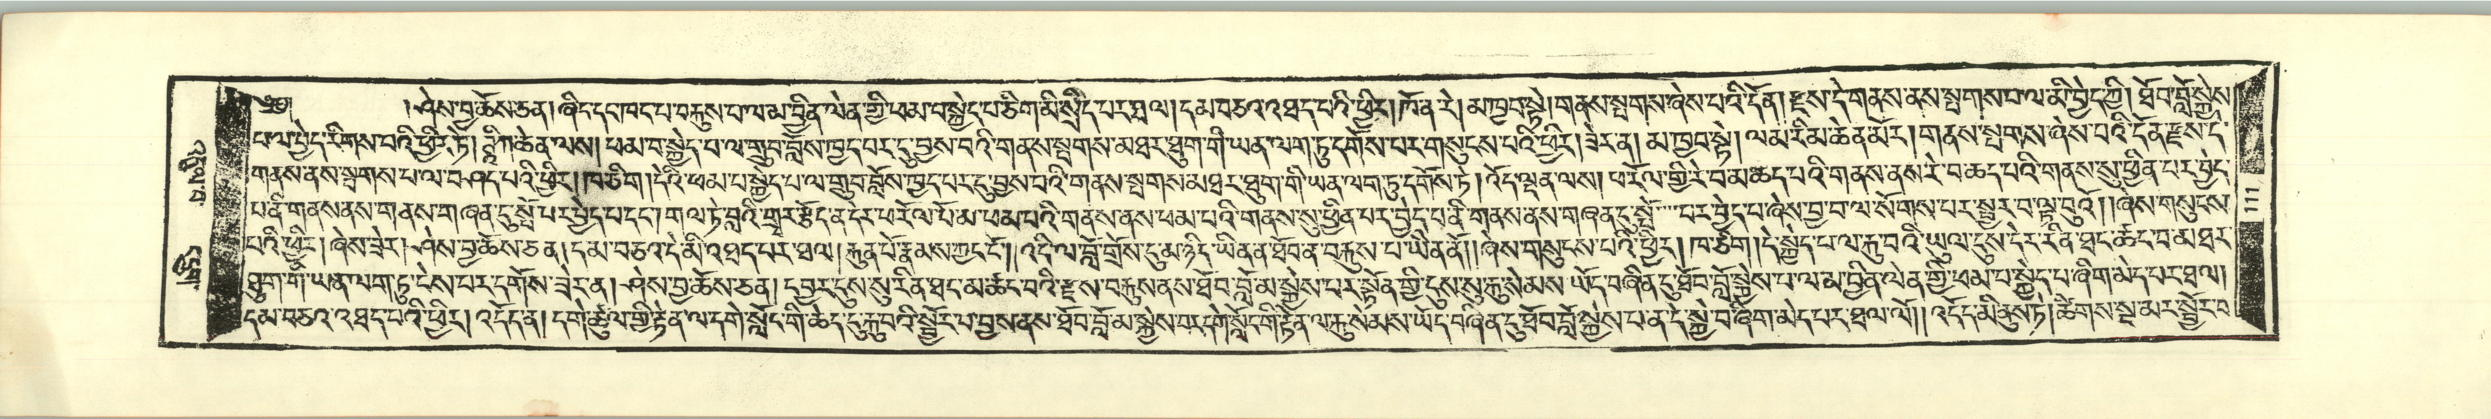༄༅། །ཤེས་བྱ་ཆོས་ཅན། ཞིང་དང་ཁང་པ་བརྐུས་པ་ལ་མ་བྱིན་ལེན་གྱི་ཕམ་བསྐྱེད་པ་ཅིག་མི་སྲིད་པར་ཐལ། དམ་བཅའ་འཐད་པའི་ཕྱིར། ཁོ་ན་རེ། མ་ཁྱབ་སྟེ། གནས་སྤགས་ཞེས་པའི་དོན་རྫས་དེ་གནས་ནས་སྤགས་པ་ལ་མི་བྱེད་ཀྱི། ཐོབ་བློ་སྐྱེས་
པ་ལ་བྱེད་རིགས་པའི་ཕྱིར་ཏེ། ཊཱིཀ་ཆེན་ལས། ཕམ་བ་སྐྱེད་པ་ལ་གྲུབ་བློས་ཁྱད་པར་དུ་བྱས་པའི་གནས་སྤགས་མཐར་ཐུག་གི་ཡན་ལག་ཏུ་དགོས་པར་གསུངས་པའི་ཕྱིར། ཟེར་ན། མ་ཁྱབ་སྟེ། ལམ་རིམ་ཆེན་མོར། གནས་སྤགས་ཞེས་པའི་དོན་རྫས་དེ་
གནས་ནས་སྤགས་པ་ལ་བཤད་པའི་ཕྱིར། ཁ་ཅིག །དེའི་ཕམ་པ་སྐྱེད་པ་ལ་གྲུབ་བློས་ཁྱད་པར་དུ་བྱས་པའི་གནས་སྤགས་མཐར་ཐུག་གི་ཡན་ལག་ཏུ་དགོས་ཏེ། འོད་ལྡན་ལས། ཕ་རོལ་གྱི་རེ་བ་མ་ཆད་པའི་གནས་ནས་རེ་བ་ཆད་པའི་གནས་སུ་ཕྱིན་པར་བྱེད་
པ་ནི་གནས་ནས་གནས་གཞན་དུ་སྤོ་པར་བྱེད་པ་དང་། གལ་ཏེ་བླའི་གྲྭར་རྩོད་ན་དེར་ཕ་རོལ་པོ་མ་ཕམ་པའི་གནས་ནས་ཕམ་པའི་གནས་སུ་ཕྱིན་པར་བྱེད་པ་ནི་གནས་ནས་གཞན་དུ་སྤོ་བར་བྱེད་པ་ཞེས་བྱ་བ་ལ་སོགས་པར་སྦྱར་བ་ལྟ་བུའོ། །ཞེས་གསུངས་
པའི་ཕྱིར། ཞེས་ཟེར། ཤེས་བྱ་ཆོས་ཅན། དམ་བཅའ་དེ་མི་འཐད་པར་ཐལ། རྐུན་པོ་རྣམས་ཀྱང་ངོ། །འདི་ལ་བློ་གྲོས་དུ་མ་ཉིད་ཡིན་ན་ཐོབ་ན་བརྐུས་པ་ཡིན་ནོ། །ཞེས་གསུངས་པའི་ཕྱིར། ཁ་ཅིག །དེ་སྐྱེད་པ་ལ་རྐུ་བའི་ཡུལ་དུས་དེར་རིན་ཐང་ཚང་བ་མཐར་
ཐུག་གི་ཡན་ལག་ཏུ་ངེས་པར་དགོས་ཟེར་ན། ཤེས་བྱ་ཆོས་ཅན། དབྱར་དུས་སུ་རིན་ཐང་མ་ཚང་བའི་རྫས་བརྐུས་ནས་ཐོབ་བློ་མ་སྐྱེས་པར་སྟོན་གྱི་དུས་སུ་རྐུ་སེམས་ཡོད་བཞིན་དུ་ཐོབ་བློ་སྐྱེས་པ་ལ་མ་བྱིན་ལེན་གྱི་ཕམ་པ་སྐྱེད་པ་ཞིག་མེད་པར་ཐལ།
དམ་བཅའ་འཐད་པའི་ཕྱིར། འདོད་ན། དགེ་ཚུལ་གྱི་རྟེན་ལ་དགེ་སློང་གི་ཆེད་དུ་རྐུ་བའི་སྦྱོར་པ་བྱས་ནས་ཐོབ་བློ་མ་སྐྱེས་པར་དགེ་སློང་གི་རྟེན་ལ་རྐུ་སེམས་ཡོད་བཞིན་དུ་ཐོབ་བློ་སྐྱེས་པ་ན་དེ་སྐྱེ་བ་ཞིག་མེད་པར་ཐལ་ལོ། །འདོད་མི་ནུས་ཏེ། ཚིགས་སྔ་མར་སྦྱོར་བ་